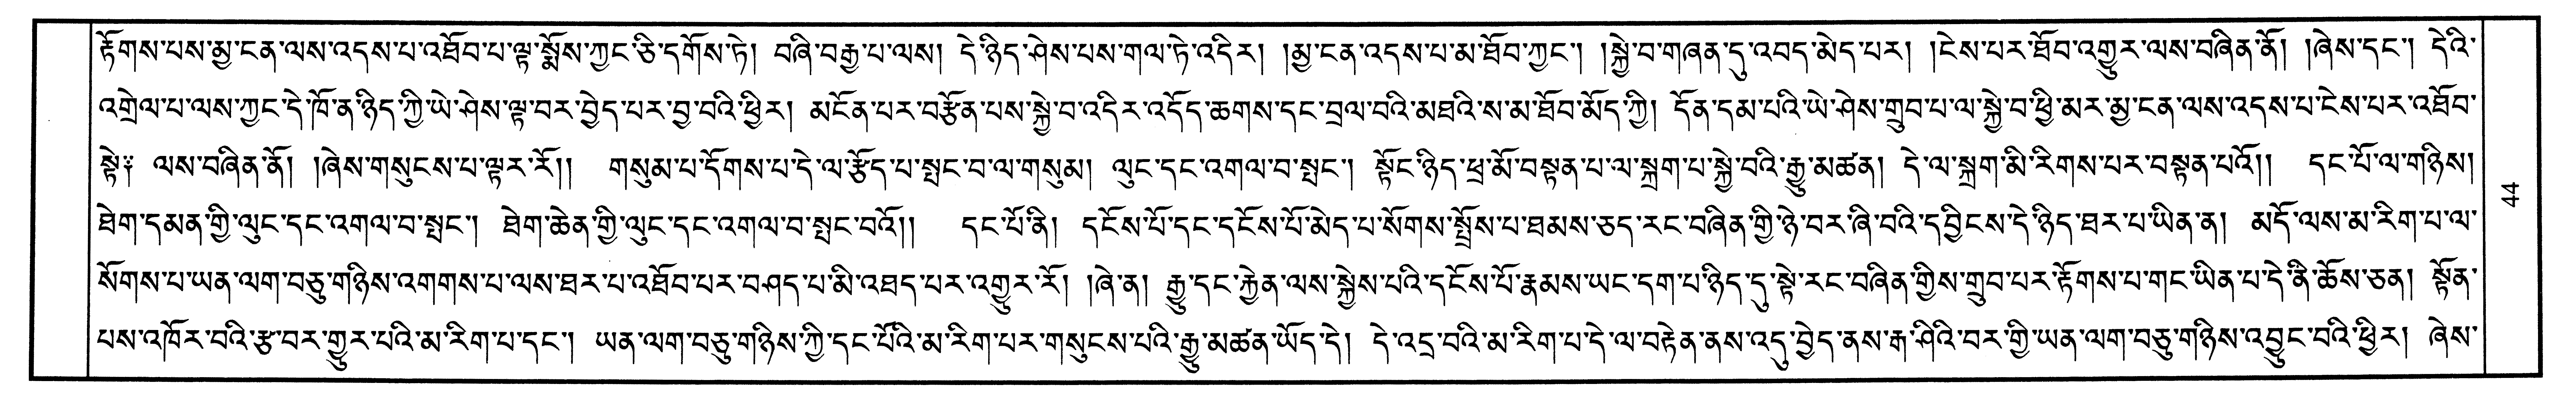རྟོགས་པས་མྱ་ངན་ལས་འདས་པ་འཐོབ་པ་ལྟ་སྨོས་ཀྱང་ཅི་དགོས་ཏེ། བཞི་བརྒྱ་པ་ལས། དེ་ཉིད་ཤེས་པས་གལ་ཏེ་འདིར། །མྱ་ངན་འདས་པ་མ་ཐོབ་ཀྱང་། །སྐྱེ་བ་གཞན་དུ་འབད་མེད་པར། །ངེས་པར་ཐོབ་འགྱུར་ལས་བཞིན་ནོ། །ཞེས་དང་། དེའི་
འགྲེལ་པ་ལས་ཀྱང་དེ་ཁོ་ན་ཉིད་ཀྱི་ཡེ་ཤེས་ལྟ་བར་བྱེད་པར་བྱ་བའི་ཕྱིར། མངོན་པར་བརྩོན་པས་སྐྱེ་བ་འདིར་འདོད་ཆགས་དང་བྲལ་བའི་མཐའི་ས་མ་ཐོབ་མོད་ཀྱི། དོན་དམ་པའི་ཡེ་ཤེས་གྲུབ་པ་ལ་སྐྱེ་བ་ཕྱི་མར་མྱ་ངན་ལས་འདས་པ་ངེས་པར་འཐོབ་
སྟེ༑ ལས་བཞིན་ནོ། །ཞེས་གསུངས་པ་ལྟར་རོ།། གསུམ་པ་དོགས་པ་དེ་ལ་རྩོད་པ་སྤང་བ་ལ་གསུམ། ལུང་དང་འགལ་བ་སྤང་། སྟོང་ཉིད་ཕྲ་མོ་བསྟན་པ་ལ་སྐྲག་པ་སྐྱེ་བའི་རྒྱུ་མཚན། དེ་ལ་སྐྲག་མི་རིགས་པར་བསྟན་པའོ།། དང་པོ་ལ་གཉིས།
ཐེག་དམན་གྱི་ལུང་དང་འགལ་བ་སྤང་། ཐེག་ཆེན་གྱི་ལུང་དང་འགལ་བ་སྤང་བའོ།། དང་པོ་ནི། དངོས་པོ་དང་དངོས་པོ་མེད་པ་སོགས་སྤྲོས་པ་ཐམས་ཅད་རང་བཞིན་གྱི་ཉེ་བར་ཞི་བའི་དབྱིངས་དེ་ཉིད་ཐར་པ་ཡིན་ན། མདོ་ལས་མ་རིག་པ་ལ་
སོགས་པ་ཡན་ལག་བཅུ་གཉིས་འགགས་པ་ལས་ཐར་པ་འཐོབ་པར་བཤད་པ་མི་འཐད་པར་འགྱུར་རོ། །ཞེ་ན། རྒྱུ་དང་རྐྱེན་ལས་སྐྱེས་པའི་དངོས་པོ་རྣམས་ཡང་དག་པ་ཉིད་དུ་སྟེ་རང་བཞིན་གྱིས་གྲུབ་པར་རྟོགས་པ་གང་ཡིན་པ་དེ་ནི་ཆོས་ཅན། སྟོན་
པས་འཁོར་བའི་རྩ་བར་གྱུར་པའི་མ་རིག་པ་དང་། ཡན་ལག་བཅུ་གཉིས་ཀྱི་དང་པོའི་མ་རིག་པར་གསུངས་པའི་རྒྱུ་མཚན་ཡོད་དེ། དེ་འདྲ་བའི་མ་རིག་པ་དེ་ལ་བརྟེན་ནས་འདུ་བྱེད་ནས་རྒ་ཤིའི་བར་གྱི་ཡན་ལག་བཅུ་གཉིས་འབྱུང་བའི་ཕྱིར། ཞེས་